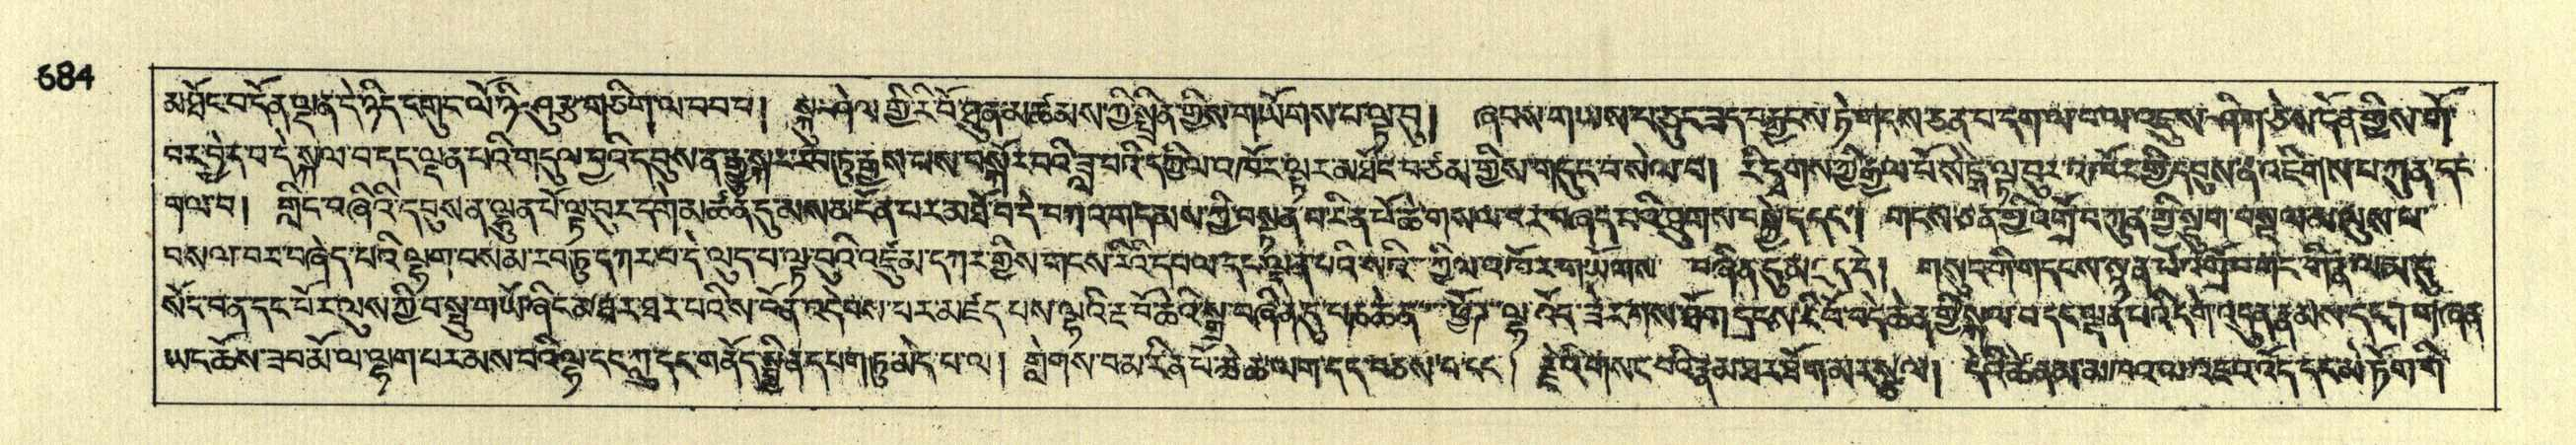མཐོང་བ་དོན་ལྡན་དེ་ཉིད་དགུང་ལོ་ཉི་ཤུ་རྩ་གཅིག་ལ་བབ་པ། སྐུ་ཤེལ་གྱི་རི་བོ་ཐུན་མཚམས་ཀྱི་སྤྲིན་གྱིས་གཡོགས་པ་ལྟ་བུ། ཞབས་རྒྱས་པ་ཅུང་ཟད་བརྒྱངས་ཏེ་གངས་ཅན་པ་དག་ལ་བལ་འཇུས་ཤིག་ཅེས་དོན་གྱིས་གོ་
བར་བྱེད་པ་དེ་སྐལ་བ་དང་ལྡན་པའི་གདུལ་བྱའི་དབུས་ན་རྒྱུ་སྐར་རབ་ཏུ་རྒྱས་པས་བསྐོར་བའི་ཟླ་བའི་དཀྱིལ་འཁོར་ལྟར་མཐོང་བ་ཙམ་གྱིས་གདུང་བ་སེལ་བ། རི་དྭགས་ཀྱི་རྒྱལ་པོ་སེངྒེ་ལྟ་བུར་འཁོར་གྱི་དབུས་ན་འཇིགས་པ་ཀུན་དབང་
གལ་བ། གླིང་བཞིའི་དབུས་ན་ལྷུན་པོ་ལྟ་བུར་དགེ་མཚན་དུ་མས་མངོན་པར་མཐོ་བ་དེ་བཀའ་གདམས་ཀྱི་བསྟན་པ་རིན་པོ་ཆེ་གསལ་བར་བཞད་པའི་ཐུགས་བསྐྱེད་དང་། གངས་ཅན་གྱི་འགྲོ་བ་ཀུན་གྱི་སྡུག་བསྔལ་མ་ལུས་པ་
བསལ་བར་བཞེད་པའི་ལྷག་བསམ་རབ་ཏུ་དཀར་བ་དེ་ལུད་པ་ལྟ་བུའི་འཛུམ་དཀར་གྱིས་གངས་རིའི་དཔལ་དང་ལྡན་པའི་སའི་དཀྱིལ་འཁོར་གཡོགས། བཞིན་དུ་མཛད་དེ། གསུང་གི་གདངས་སྙན་པོ་འགྲོ་བ་གང་གི་རྣ་ལམ་དུ་
སོང་བ་ན་དང་པོར་ལུས་ཀྱི་བ་སྤུ་གཡོ་ཞིང་མཐར་ཐར་པའི་ས་བོན་འདེབས་པར་མཛད་པས་ལྷའི་རྔ་བོ་ཆེའི་སྒྲ་བཞིན་དུ་པཎ་ཆེན་ཕྱོགས་ལྷ་འོད་ཟེར་གས་ཐོག་དྲངས་རི་བོ་བདེ་ཆེན་གྱི་སྐལ་བ་དང་ལྡན་པའི་དགེ་འདུན་རྣམས་དང་། གཞན་
ཡང་ཆོས་ཟབ་མོ་ལ་ལྷག་པར་མས་བའི་ལྷ་དང་ཀླུ་དང་གནོད་སྦྱིན་དཔག་ཏུ་མེད་པ་ལ། གླེགས་བམ་རིན་པོ་ཆེ་ཆ་ལག་དང་བཅས་བ་དང་། རྗེའི་གསང་བའི་རྣམ་ཐར་ཐོག་མར་སྩལ། དེའི་ཚེ་ནམ་མཁའ་ལ་འཇའ་འོད་དང་མེ་ཏོག་གི་